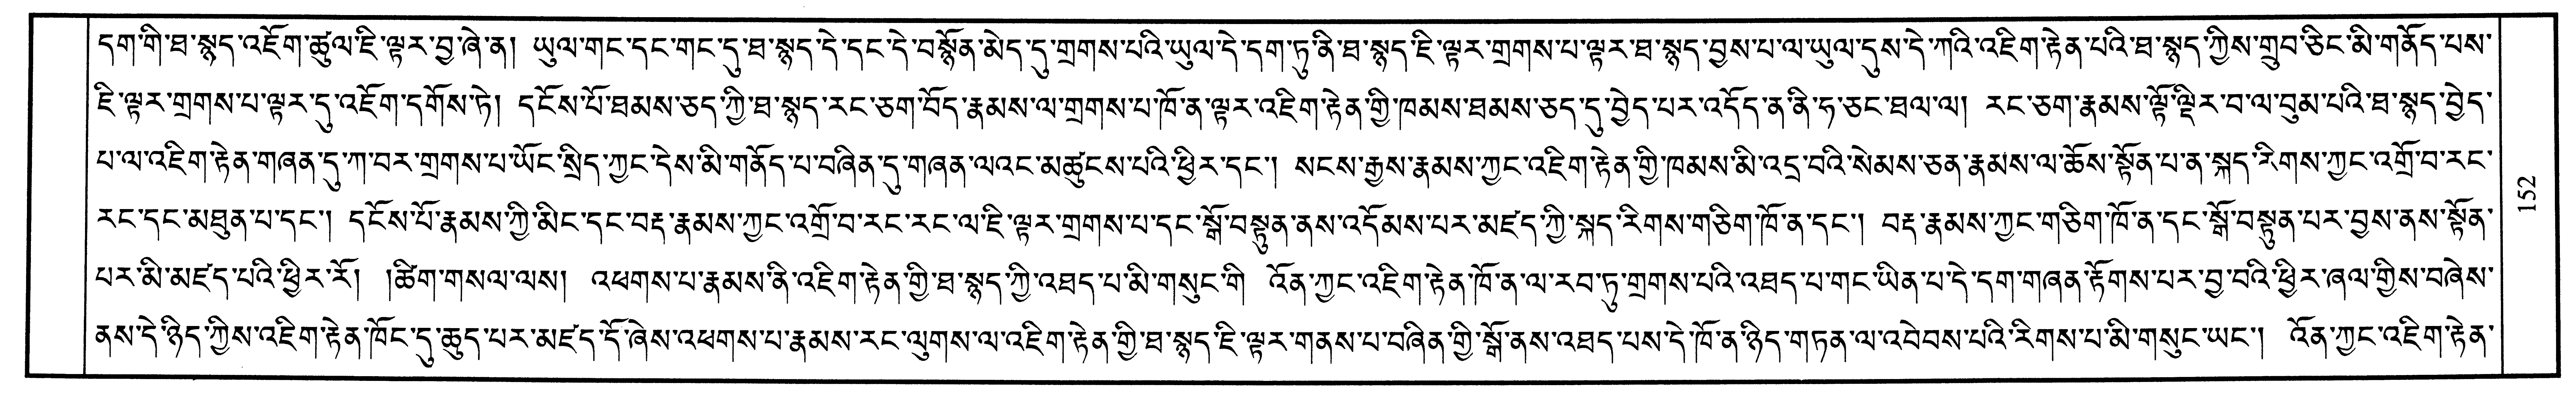དག་གི་ཐ་སྙད་འཇོག་ཚུལ་ཇི་ལྟར་བྱ་ཞེ་ན། ཡུལ་གང་དང་གང་དུ་ཐ་སྙད་དེ་དང་དེ་བསྙོན་མེད་དུ་གྲགས་པའི་ཡུལ་དེ་དག་ཏུ་ནི་ཐ་སྙད་ཇི་ལྟར་གྲགས་པ་ལྟར་ཐ་སྙད་བྱས་པ་ལ་ཡུལ་དུས་དེ་ཀའི་འཇིག་རྟེན་པའི་ཐ་སྙད་ཀྱིས་གྲུབ་ཅིང་མི་གནོད་པས་
ཇི་ལྟར་གྲགས་པ་ལྟར་དུ་འཇོག་དགོས་ཏེ། དངོས་པོ་ཐམས་ཅད་ཀྱི་ཐ་སྙད་རང་ཅག་བོད་རྣམས་ལ་གྲགས་པ་ཁོ་ན་ལྟར་འཇིག་རྟེན་གྱི་ཁམས་ཐམས་ཅད་དུ་བྱེད་པར་འདོད་ན་ནི་ཧ་ཅང་ཐལ་ལ། རང་ཅག་རྣམས་ལྟོ་ལྡིར་བ་ལ་བུམ་པའི་ཐ་སྙད་བྱེད་
པ་ལ་འཇིག་རྟེན་གཞན་དུ་ཀ་བར་གྲགས་པ་ཡོང་སྲིད་ཀྱང་དེས་མི་གནོད་པ་བཞིན་དུ་གཞན་ལའང་མཚུངས་པའི་ཕྱིར་དང་། སངས་རྒྱས་རྣམས་ཀྱང་འཇིག་རྟེན་གྱི་ཁམས་མི་འདྲ་བའི་སེམས་ཅན་རྣམས་ལ་ཆོས་སྟོན་པ་ན་སྐད་རིགས་ཀྱང་འགྲོ་བ་རང་
རང་དང་མཐུན་པ་དང་། དངོས་པོ་རྣམས་ཀྱི་མིང་དང་བརྡ་རྣམས་ཀྱང་འགྲོ་བ་རང་རང་ལ་ཇི་ལྟར་གྲགས་པ་དང་སྒོ་བསྟུན་ནས་འདོམས་པར་མཛད་ཀྱི་སྐད་རིགས་གཅིག་ཁོ་ན་དང་། བརྡ་རྣམས་ཀྱང་གཅིག་ཁོ་ན་དང་སྒོ་བསྟུན་པར་བྱས་ནས་སྟོན་
པར་མི་མཛད་པའི་ཕྱིར་རོ། །ཚིག་གསལ་ལས། འཕགས་པ་རྣམས་ནི་འཇིག་རྟེན་གྱི་ཐ་སྙད་ཀྱི་འཐད་པ་མི་གསུང་གི །འོན་ཀྱང་འཇིག་རྟེན་ཁོ་ན་ལ་རབ་ཏུ་གྲགས་པའི་འཐད་པ་གང་ཡིན་པ་དེ་དག་གཞན་རྟོགས་པར་བྱ་བའི་ཕྱིར་ཞལ་གྱིས་བཞེས་
ནས་དེ་ཉིད་ཀྱིས་འཇིག་རྟེན་ཁོང་དུ་ཆུད་པར་མཛད་དོ་ཞེས་འཕགས་པ་རྣམས་རང་ལུགས་ལ་འཇིག་རྟེན་གྱི་ཐ་སྙད་ཇི་ལྟར་གནས་པ་བཞིན་གྱི་སྒོ་ནས་འཐད་པས་དེ་ཁོ་ན་ཉིད་གཏན་ལ་འབེབས་པའི་རིགས་པ་མི་གསུང་ཡང་། འོན་ཀྱང་འཇིག་རྟེན་